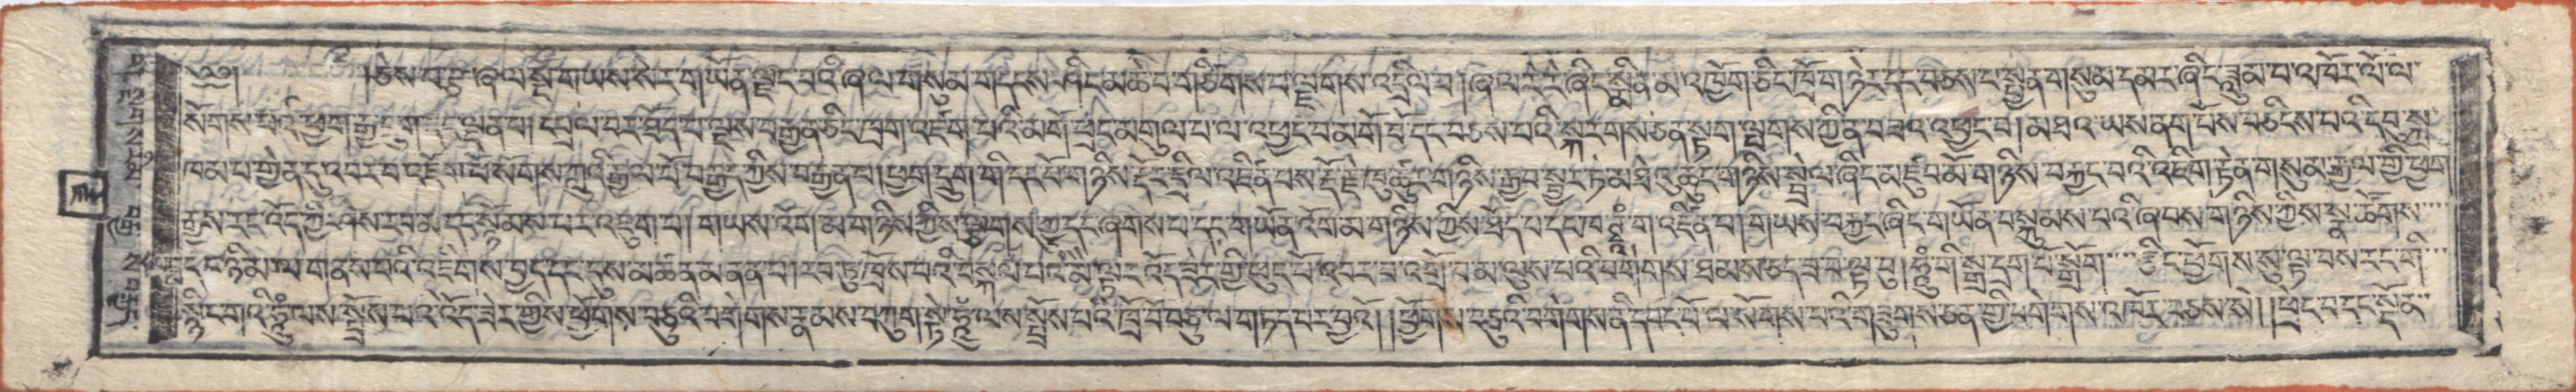༄༅། །ཅེས་པ་རྩ་ཞལ་སྔོ་གཡས་སེར་གཡོན་ལྗང་བའི་ཞལ་གསུམ་གདངས་ཤིང་མཆེ་བ་གཙིགས་པ་ལྗགས་འདྲིལ་བ། ཞལ་རེ་རེ་ཞིང་སྨིན་མ་འཁྱོག་ཅིང་ཁྲོ་གཉེར་དང་བཅས་པ་སྤྱན་གསུམ་དམར་ཞིང་ཟླུམ་པ་འཁོར་ལོ་ལ་
སོགས་པའི་ཕྱག་རྒྱ་དྲུག་དང་ལྡན་པ། དཔྲལ་བར་ཐོད་པ་ལྔས་བརྒྱན་ཅིང་ཁྲག་འཛག་པའི་མགོ་ཕྲང་མགུལ་པ་ལ་འཕྱང་བ་མགོ་བོ་དང་བཅས་པའི་སྐ་རགས་ཅན་སྟག་ལྤགས་ཀྱི་ན་བཟའ་འཕྱང་བ། མཐའ་ཡས་ནག་པོས་བཅིངས་པའི་དབུ་སྐྲ་
ཁམ་པ་གྱེན་དུ་འབར་བ་འཇོག་པོ་སོགས་ཀླུའི་རྒྱལ་པོ་བརྒྱད་ཀྱིས་བརྒྱན་པ། ཕྱག་དྲུག་གི་དང་པོ་གཉིས་རྡོར་དྲིལ་འཛིན་པས་རྡོ་རྗེ་ཁུ་ཚུར་གཉིས་རྒྱབ་སྦྱར་ཏེ་མཐེའུ་ཆུང་གཉིས་སྦྲེལ་ཞིང་མཛུབ་མོ་གཉིས་བརྐྱང་བའི་འཇིག་རྟེན་གསུམ་རྒྱལ་གྱི་ཕྱག་
རྒྱས་རང་འོད་ཀྱི་ཤེས་རབ་མ་དང་སྙོམས་པར་འཇུག་པ། གཡས་འོག་མ་གཉིས་ཀྱིས་ལྕགས་ཀྱུ་དང་ཞགས་པ་དང་གཡོན་འོག་མ་གཉིས་ཀྱིས་ཐོད་པ་དང་ཁ་ཊྭཱཾ་ག་འཛིན་པ། གཡས་བརྐྱང་ཞིང་གཡོན་བསྐུམས་པའི་ཞབས་གཉིས་ཀྱིས་སྣ་ཚོགས་
པདམ་དང་ཉི་མ་ལ་གནས་པའི་འཇིགས་བྱེད་དང་དུས་མཚན་མནན་པ། རབ་ཏུ་ཁྲོས་པའི་བསྐལ་པའི་མེ་ལྟར་འོད་ཟེར་གྱི་ཕུང་པོ་འབར་བ་འགྲོ་བ་མ་ལུས་པའི་བགེགས་ཐམས་ཅད་ཟ་བ་ལྟ་བུ། ཧཱུཾ་གི་སྒྲ་དྲག་པོ་སྒྲོག་ཅིང་ཕྱོགས་སུ་ལྟ་བས་རང་གི་
སྙིང་གའི་ཧཱུཾ་ལས་སྤྲོས་པའི་འོད་ཟེར་གྱིས་ཕྱོགས་བཅུའི་བགེགས་རྣམས་བཀུག་སྟེ་ཧཱུཾ་ལས་སྤྲོས་པའི་ཁྲོ་བོ་བཅུ་ལ་གཏད་པར་བྱའོ། །ཕྱོགས་བཅུའི་བགེགས་ནི་དབང་པོ་ལ་སོགས་པའི་གཟུགས་ཅན་གྱི་བགེགས་འཁོར་བཅས་སོ། །ཕྲེང་བ་དང་སྡོམ་